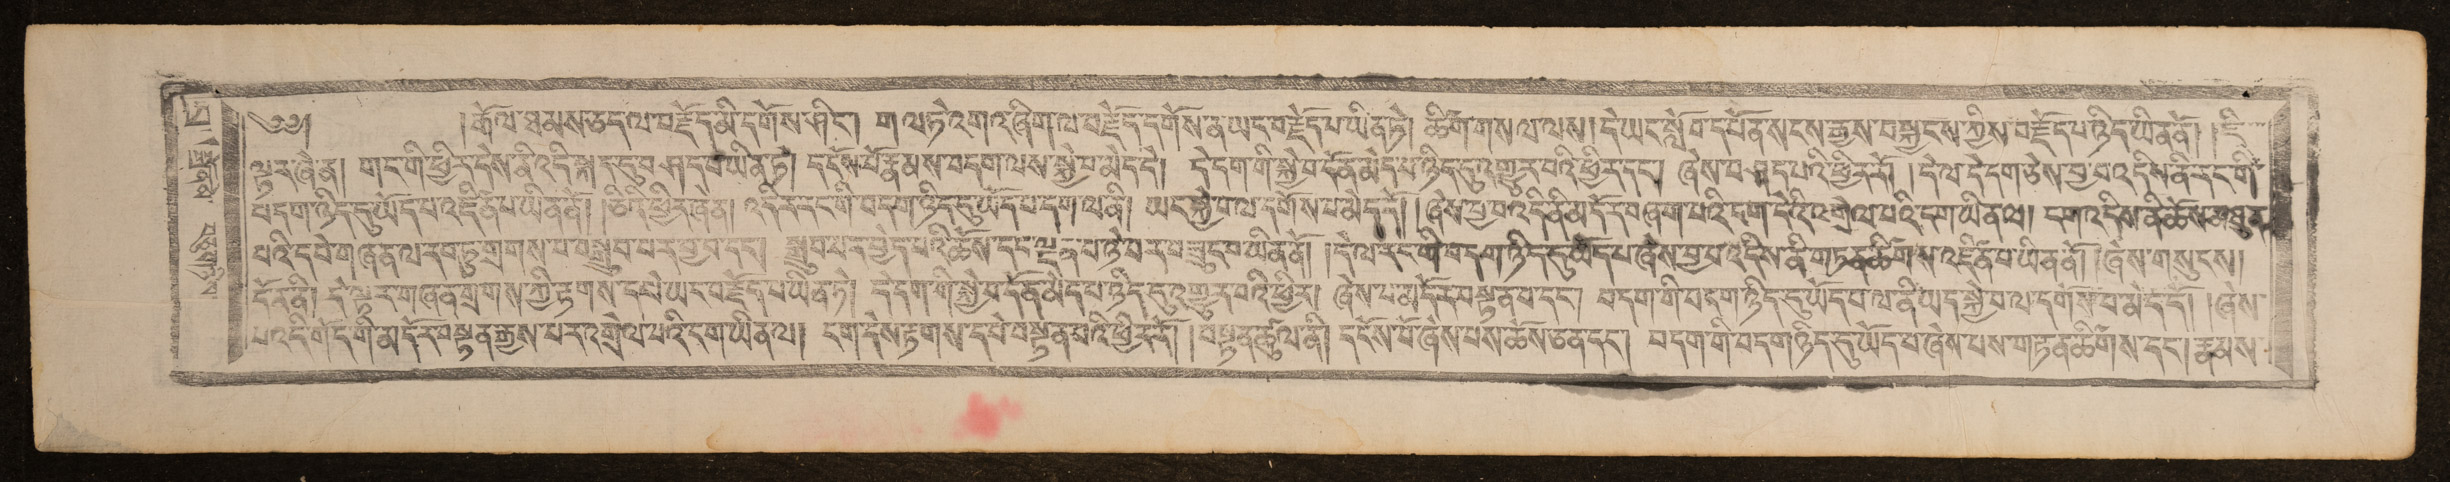༄༅། །རྒོལ་ཐམས་ཅད་ལ་བརྗོད་མི་དགོས་ཤིང་། གལ་ཏེ་འགའ་ཞིག་ལ་བརྗོད་དགོས་ན་ཡང་བརྗོད་པ་ཡིན་ཏེ། ཚིག་གསལ་ལས། དེ་ཡང་སློབ་དཔོན་སངས་རྒྱས་བསྐྱངས་ཀྱིས་བརྗོད་པ་ཉིད་ཡིན་ནོ། །ཇི་
ལྟར་ཞེ་ན། གང་གི་ཕྱིར་དེས་ནི་འདི་སྐད་དུ་བཤད་པ་ཡིན་ཏེ། དངོས་པོ་རྣམས་བདག་ལས་སྐྱེ་བ་མེད་དེ། དེ་དག་གི་སྐྱེ་བ་དོན་མེད་པ་ཉིད་དུ་འགྱུར་བའི་ཕྱིར་དང་། ཞེས་བཤད་པའི་ཕྱིར་རོ། །དེ་ལ་དེ་དག་ཅེས་བྱ་བ་འདིས་ནི་རང་གི་
བདག་ཉིད་དུ་ཡོད་པ་འཛིན་པ་ཡིན་ནོ། །ཅིའི་ཕྱིར་ཞེ་ན། འདིར་རང་གི་བདག་ཉིད་དུ་ཡོད་པ་དག་ལ་ནི། ཡང་སྐྱེ་བ་ལ་དགོས་པ་མེད་དོ། །ཞེས་བྱ་བ་འདི་ནི་མདོར་བཞག་པའི་ངག་དེའི་འགྲེལ་པའི་ངག་ཡིན་ལ། ངག་འདིས་ནི་ཆོས་མཐུན་
པའི་དཔེ་གཞན་ལ་རབ་ཏུ་གྲགས་པ་བསྒྲུབ་པར་བྱ་བ་དང་། སྒྲུབ་པར་བྱེད་པའི་ཆོས་དང་ལྡན་པ་ཉེ་བར་བཟུང་བ་ཡིན་ནོ། །དེ་ལ་རང་གི་བདག་ཉིད་དུ་ཡོད་པ་ཞེས་བྱ་བ་འདིས་ནི་གཏན་ཚིགས་འཛིན་པ་ཡིན་ནོ། །ཞེས་གསུངས།
དོན་ནི། དེ་ལྟར་གཞན་གྲགས་ཀྱི་རྟགས་དཔེ་ཡང་བརྗོད་པ་ཡིན་ཏེ། དེ་དག་གི་སྐྱེ་བ་དོན་མེད་པ་ཉིད་དུ་འགྱུར་བའི་ཕྱིར། ཞེས་པ་མདོར་བསྟན་པ་དང་། བདག་གི་བདག་ཉིད་དུ་ཡོད་པ་ལ་ནི་ཡང་སྐྱེ་བ་ལ་དགོས་པ་མེད་དོ། །ཞེས་
པ་འདི་གོང་གི་མདོར་བསྟན་རྒྱས་པར་འགྲེལ་བའི་ངག་ཡིན་ལ། ངག་དེས་རྟགས་དཔེ་བསྟན་པའི་ཕྱིར་རོ། །བསྟན་ཚུལ་ནི། དངོས་པོ་ཞེས་པས་ཆོས་ཅན་དང་། བདག་གི་བདག་ཉིད་དུ་ཡོད་པ་ཞེས་པས་གཏན་ཚིགས་དང་། རྣམས་